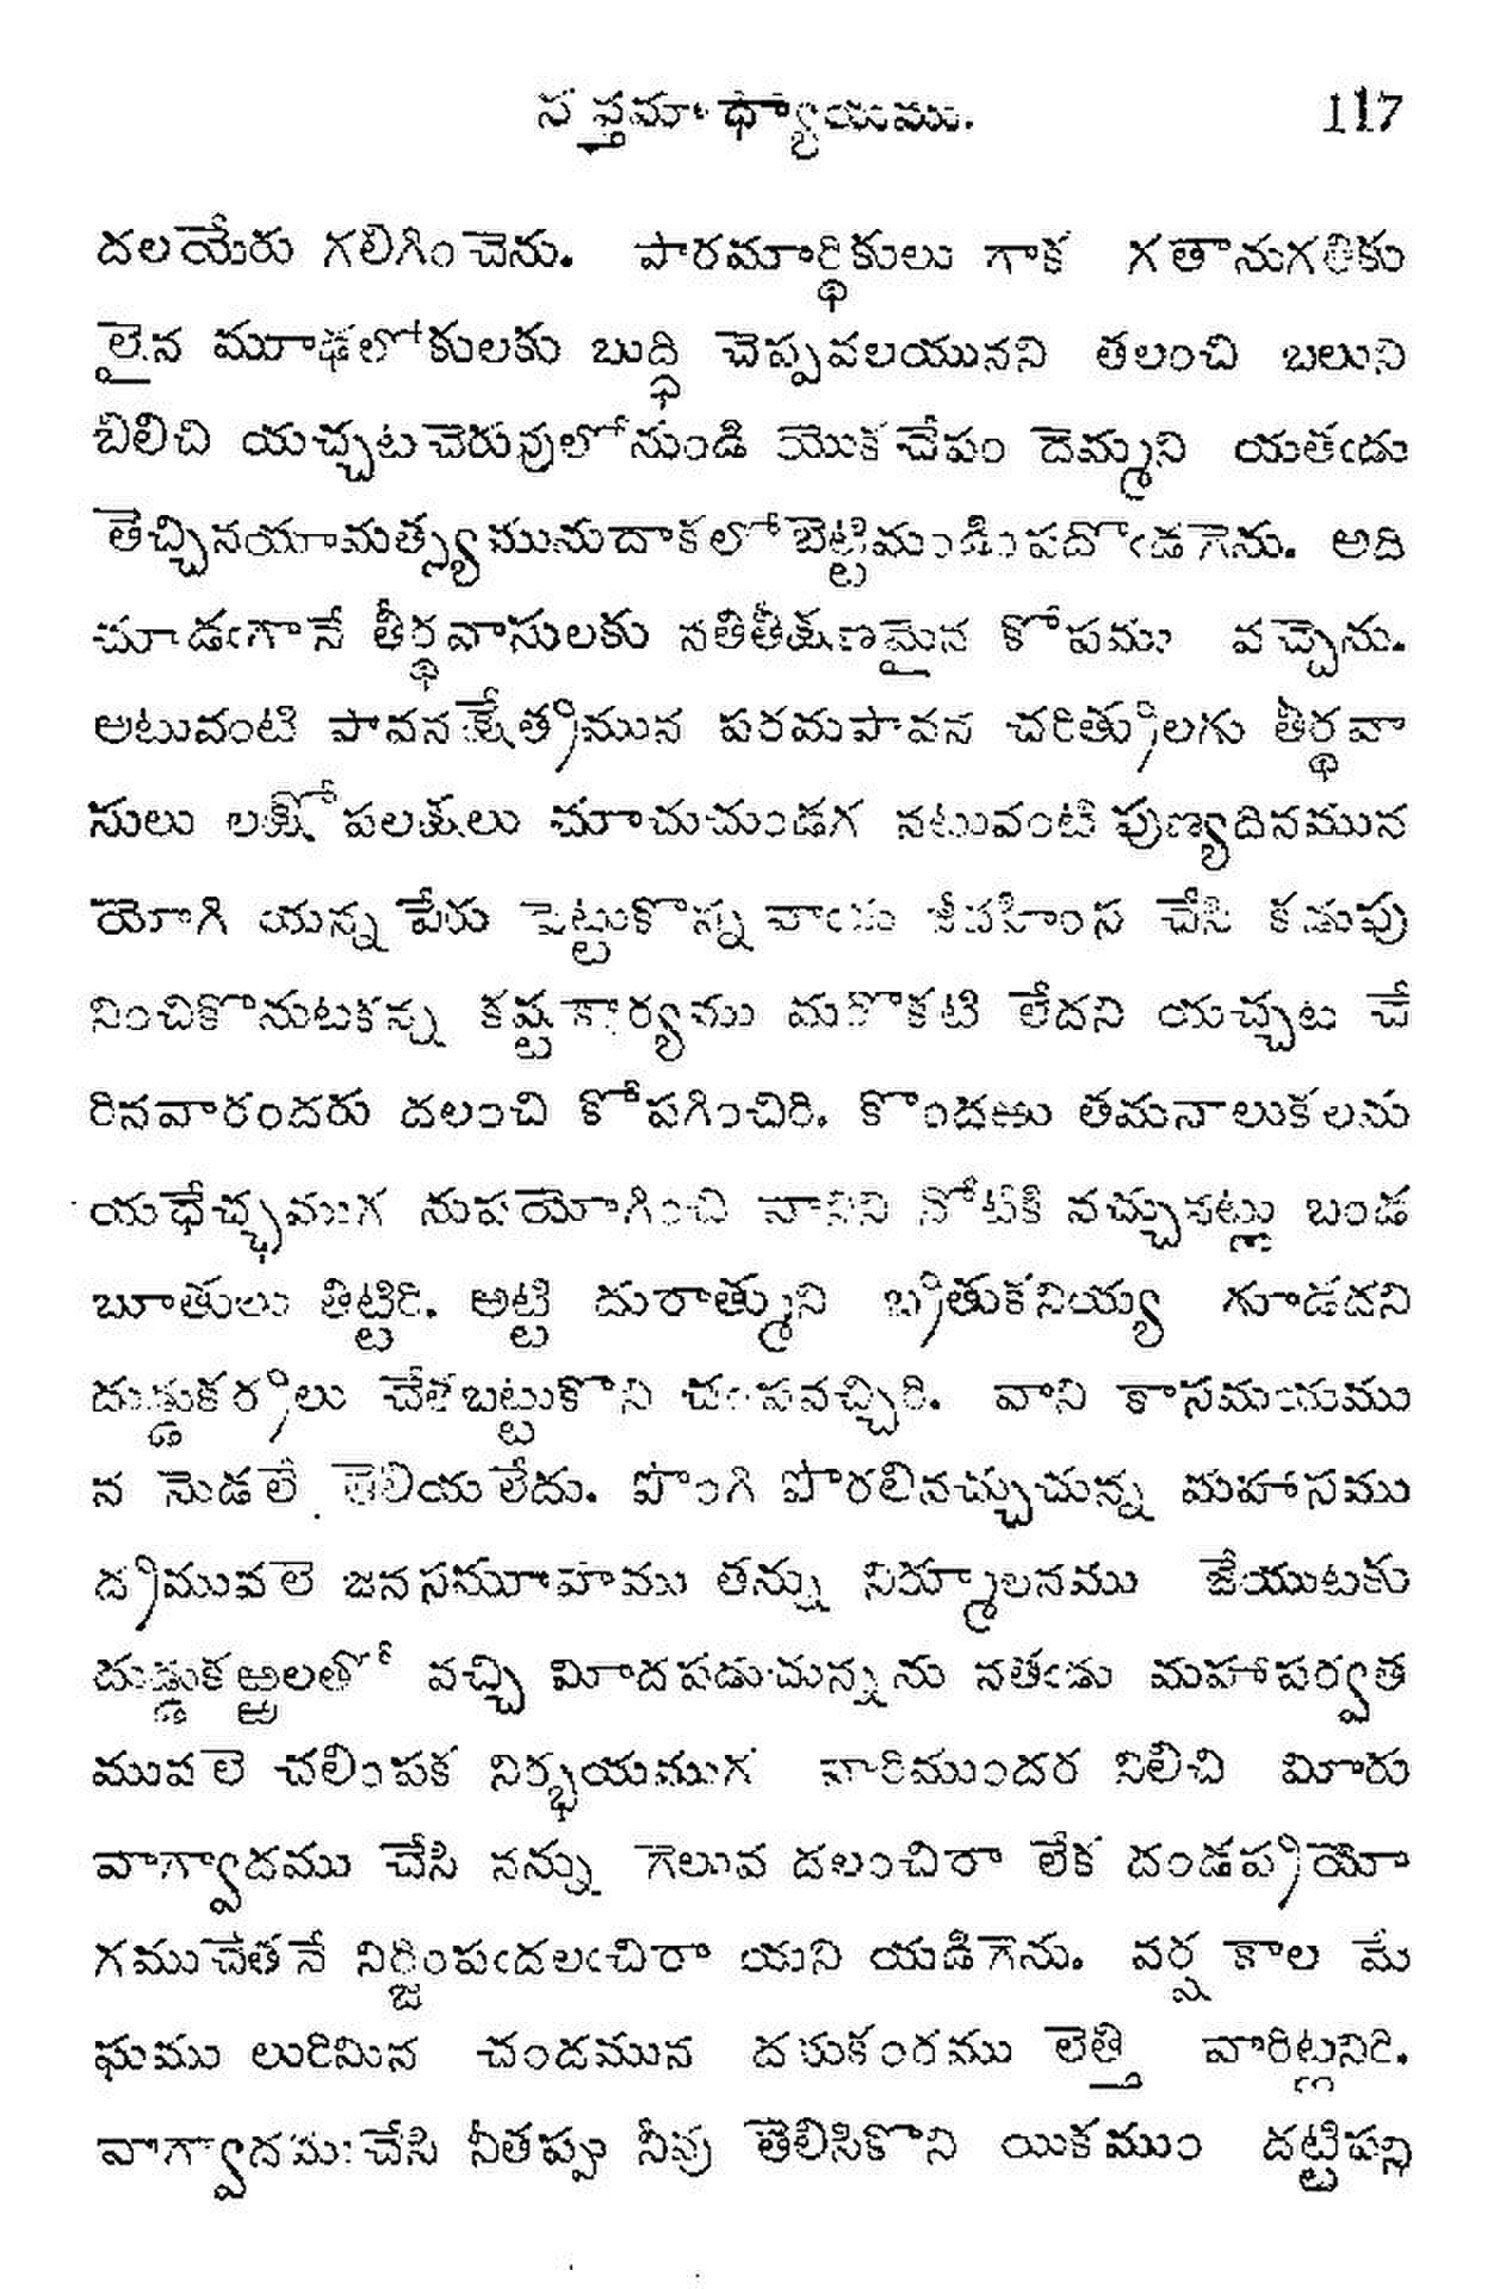దలయేరు గలిగించెను. పారమార్థికులు గాక గతానుగతికులైన మూడలోకులకు బుద్ధి చెప్పవలయునని తలంచి బలుని బిలిచి యచ్చటచెరువులోనుండి యొకచేపం దెమ్మని యతడు తెచ్చిన యామత్స్యమునుదాకలోబెట్టి మండింపదొడగెను. అదిచూడగానే తీర్థవాసులకు నతితీక్షణమైన కోపము వచ్చెను. అటువంటి పావనక్షేత్రమున పరమపావన చరిత్రులగు తీర్థవాసులు లక్షోపలక్షలు చూచుచుండగ నటువంటి పుణ్యదినమున యోగి యన్నపేరు పెట్టుకొన్నవాడు జీవహింస చేసి కడుపు నించికొనుటకన్న కష్టకార్యము మరొకటి లేదని యచ్చట చేరినవారందరు దలంచి కోపగించిరి. కొందఱు తమనాలుకలను యధేచ్ఛముగ నుపుయోగించి వానిని నోటికి వచ్చునట్లు బండబూతులు తిట్టిరి. అట్టి దురాత్ముని బ్రతుకనియ్య గూడదని దుడ్డుకర్రలు చేతబట్టుకొని చంపవచ్చిరి. వాని కాసమయమున నొడలే తెలియలేదు. పొంగి పొరలివచ్చుచున్న మహాసముద్రమువలె జనసమూహము తన్ను నిర్మూలనము జేయుటకు దుడ్డుకఱ్ఱలతో వచ్చి మీదపడుచున్నను నతడు మహాపర్వతమువలె చలింపక నిర్భయముగ వారిముందర నిలిచి మీరు వాగ్వాదము చేసి నన్ను గెలువ దలంచిరా లేక దండప్రయోగముచేతనే నిర్జింపదలచిరా యని యడిగెను. వర్షకాల మేఘము లురిమిన చందమున దమకంఠము లెత్తి వారిట్లనిరి. వాగ్వాదముచేసి నీతప్పు నీవు తెలిసికొని యికముం దట్టిపని